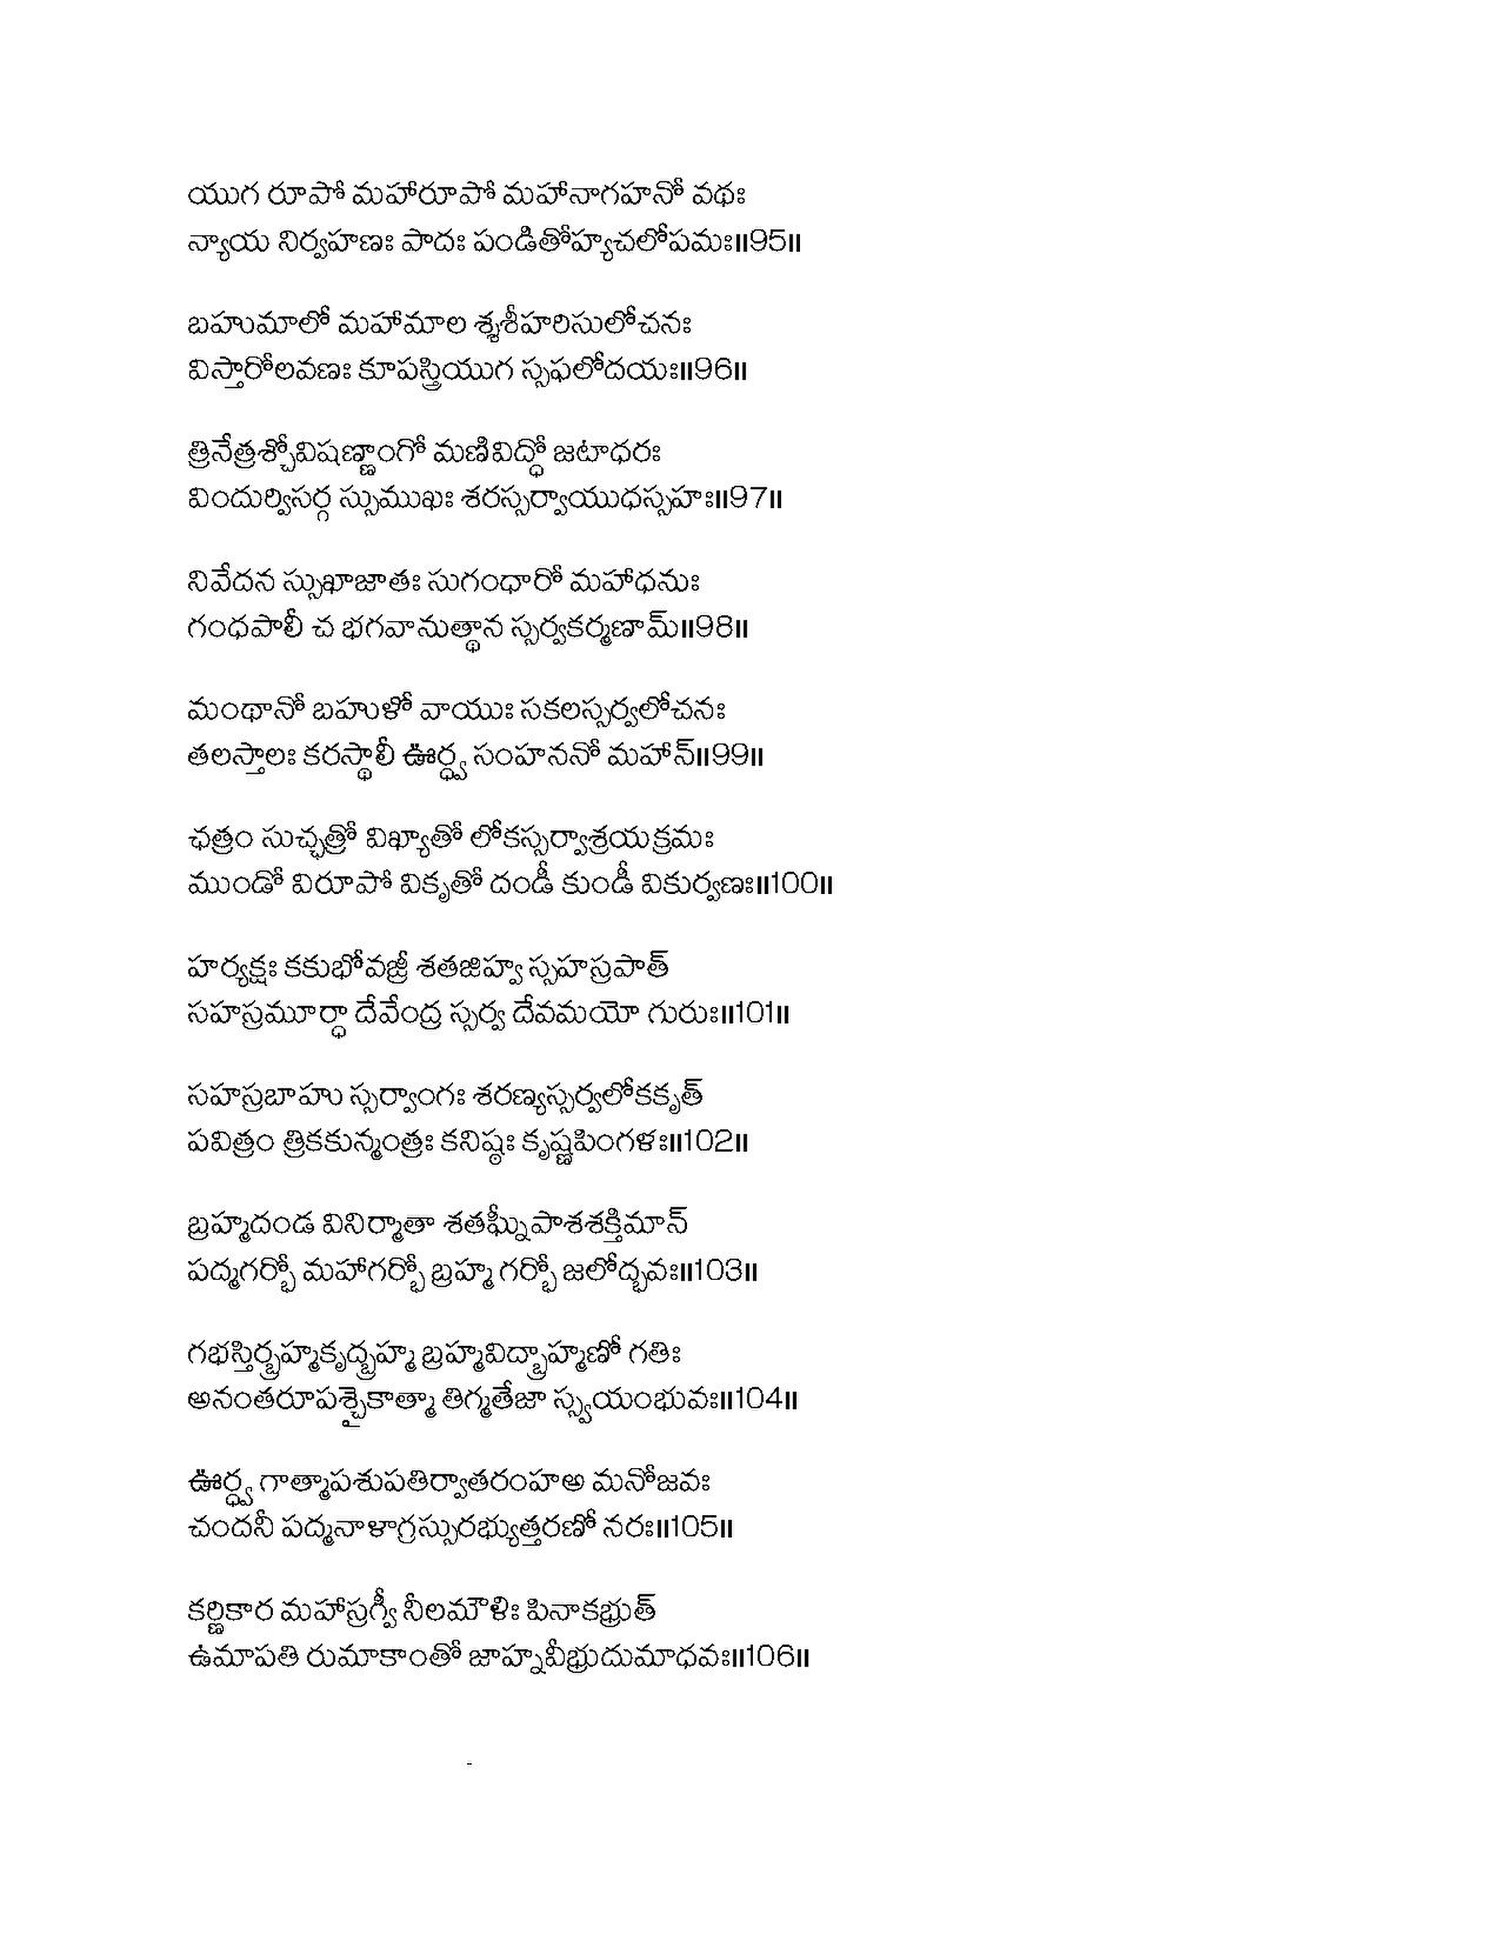యుగ రూపో మహారూపోమహానాగహనో వథః
న్యాయ నిర్వహణః పాదః పండితో హ్యచలోపమః||95||

బహుమాలో మహామాల శ్శశీహరిసులోచనః
విస్తారోలవణః కూపస్త్రియుగ స్సఫలోదయః||96||

త్రినేత్రశ్చోవిషణ్ణాంగో మణివిద్ధో జటాధరః
విందుర్విసర్గ స్సుముఖః శరస్సర్వాయుధస్సహః||97||

నివేదన స్సుఖాజాతః సుగంధారో మహాధనుః
గంధపాలీ చ భగవానుత్థాన స్సర్వకర్మణామ్ ||98||

మంథానో బహుళో వాయుః సకలస్సర్వలోచనః
తలసాలః కరస్థాలీ ఊర్ధ్వ సంహననో మహాన్ ||99||

ఛత్రం సుచ్ఛత్రో విఖ్యాతో లోకస్సర్వాశ్రయక్రమః
ముండో విరూపో వికృతో దండీ కుండీ వికుర్వణః||100||

హర్యక్షః కకుభోవజ్రీ శతజిహ్వస్సహస్రపాత్
సహస్రమూర్ధా దేవేంద్ర స్సర్వ దేవమయో గురుః||101||

సహస్రబాహు స్సర్వాంగః శరణ్యస్సర్వలోకకృత్
పవిత్రం త్రికకున్మంత్రః కనిష్ఠః కృష్ణపింగళః||102||

బ్రహ్మదండ వినిర్మాతా శతఘ్నిపాశశక్తిమాన్
పద్మగర్భో మహాగర్బో బ్రహ్మగర్భో జలోద్భవః|103 ||

గభస్తిర్బ్రహ్మకృదబ్రహ్మ బ్రహ్మవిద్బ్రాహ్మణో గతిః
అనంతరూపశ్చైకాత్మా తిగ్మతేజాస్స్వయంభువః|| 104||

ఊర్ధ్వగాత్మాపశుపతిర్వాతరంహాఅ మనోజవః
చందనీ పద్మనాళాగ్రస్సురభ్యుత్తరణో నరః||105||

కర్ణికార మహాస్రగ్వీ నీలమౌళిః పినాకభ్రుత్
ఉమాపతి రుమాకాంతో జాహ్నవీభ్రుదుమాధవః||106||